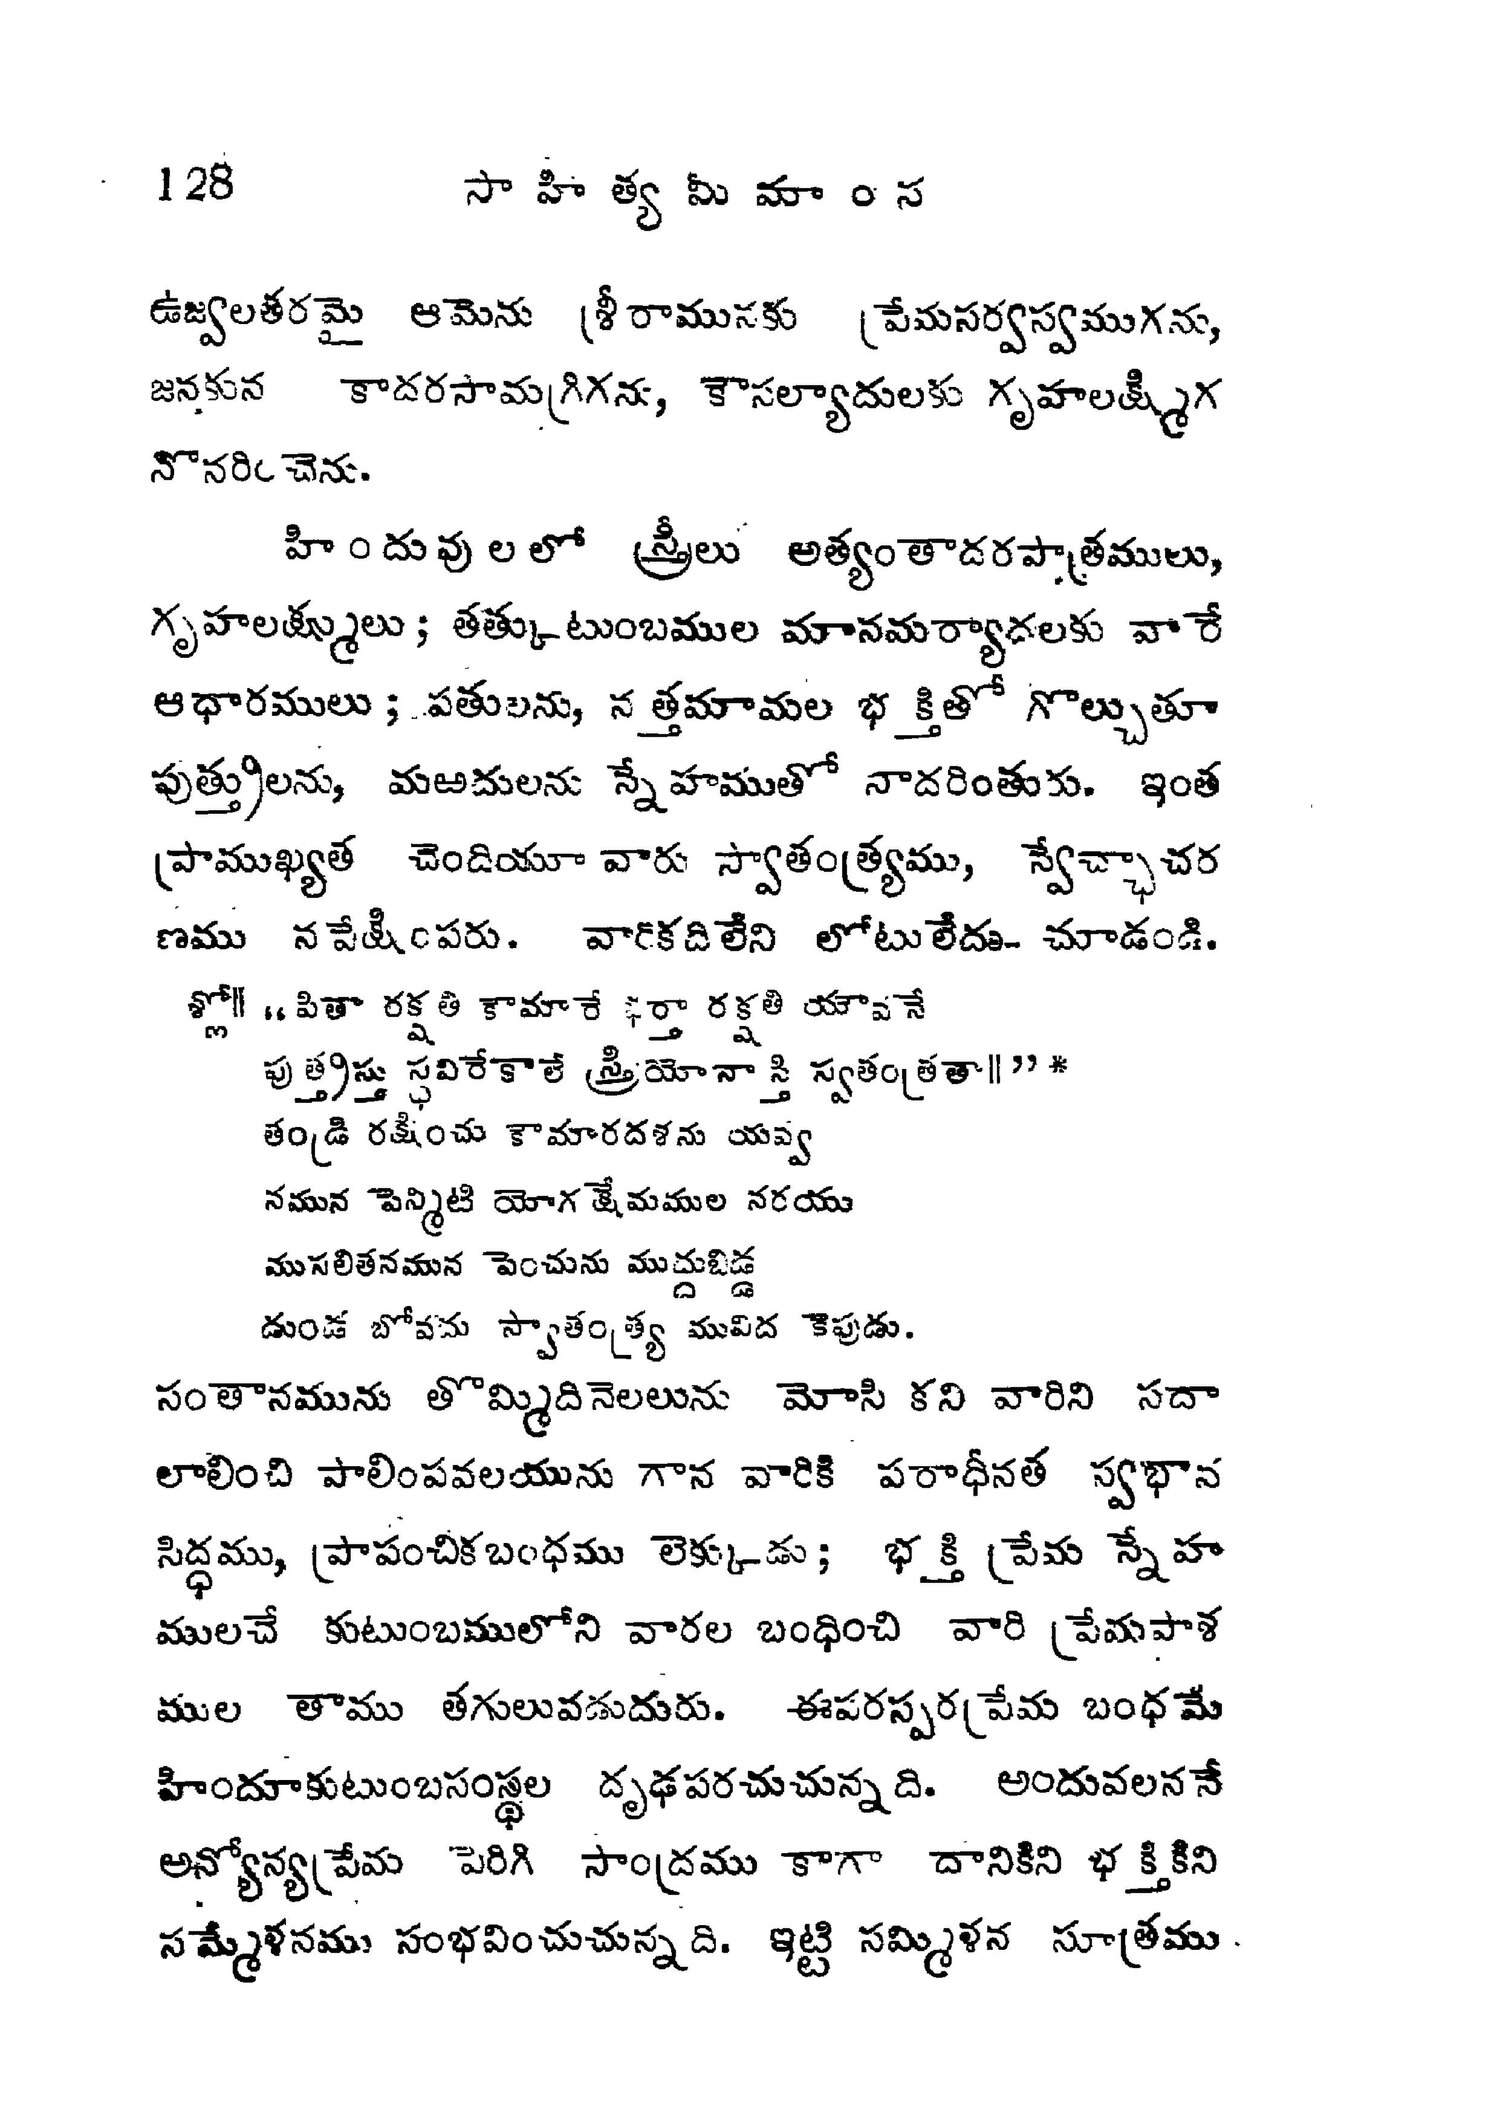ఉజ్వలతరమై ఆమెను శ్రీరామునకు ప్రేమసర్వస్వముగను, జనకున కాదరసామగ్రిగను, కౌసల్యాదులకు గృహలక్ష్మిగ నొనరించెను.

హిందువులలో స్త్రీలు అత్యంతాదరపాత్రములు, గృహలక్ష్ములు; తత్కుటుంబముల మానమర్యాదలకు వారే ఆధారములు; పతులను, నత్తమామల భక్తితో గొల్చుతూ పుత్రులను, మఱదులను స్నేహముతో నాదరింతురు. ఇంత ప్రాముఖ్యత చెందియూ వారు స్వాతంత్ర్యము, స్వేచ్ఛాచరణము నపేక్షింపరు. వారికదిలేని లోటులేదు. చూడండి.

 శ్లో|| "పితా రక్షతి కౌమారే భర్తా రక్షతి యౌవనే
 పుత్రస్తు స్ధవిరేకాలే స్త్రియోనాస్తి స్వతంత్రతా||"*

 తండ్రి రక్షించు కౌమారదశను యవ్వ
 నమున పెన్మిటి యోగక్షేమముల నరయు
 ముసలితనమున పెంచును ముద్దుబిడ్డ
 డుండ బోవదు స్వాతంత్ర్య మువిద కెపుడు.

సంతానమును తొమ్మిదినెలలును మోసి కని వారిని సదా లాలించి పాలింపవలయును గాన వారికి పరాధీనత స్వభావ సిద్ధము, ప్రాపంచికబంధము లెక్కుడు; భక్తి ప్రేమ స్నేహములచే కుటుంబములోని వారల బంధించి వారి ప్రేమపాశముల తాము తగులువడుదురు. ఈపరస్పరప్రేమ బంధమే హిందూకుటుంబసంస్థల దృఢపరచుచున్నది. అందువలననే అన్యోన్యప్రేమ పెరిగి సాంద్రము కాగా దానికిని భక్తికిని సమ్మేళనము సంభవించుచున్నది. ఇట్టి సమ్మిళన సూత్రము